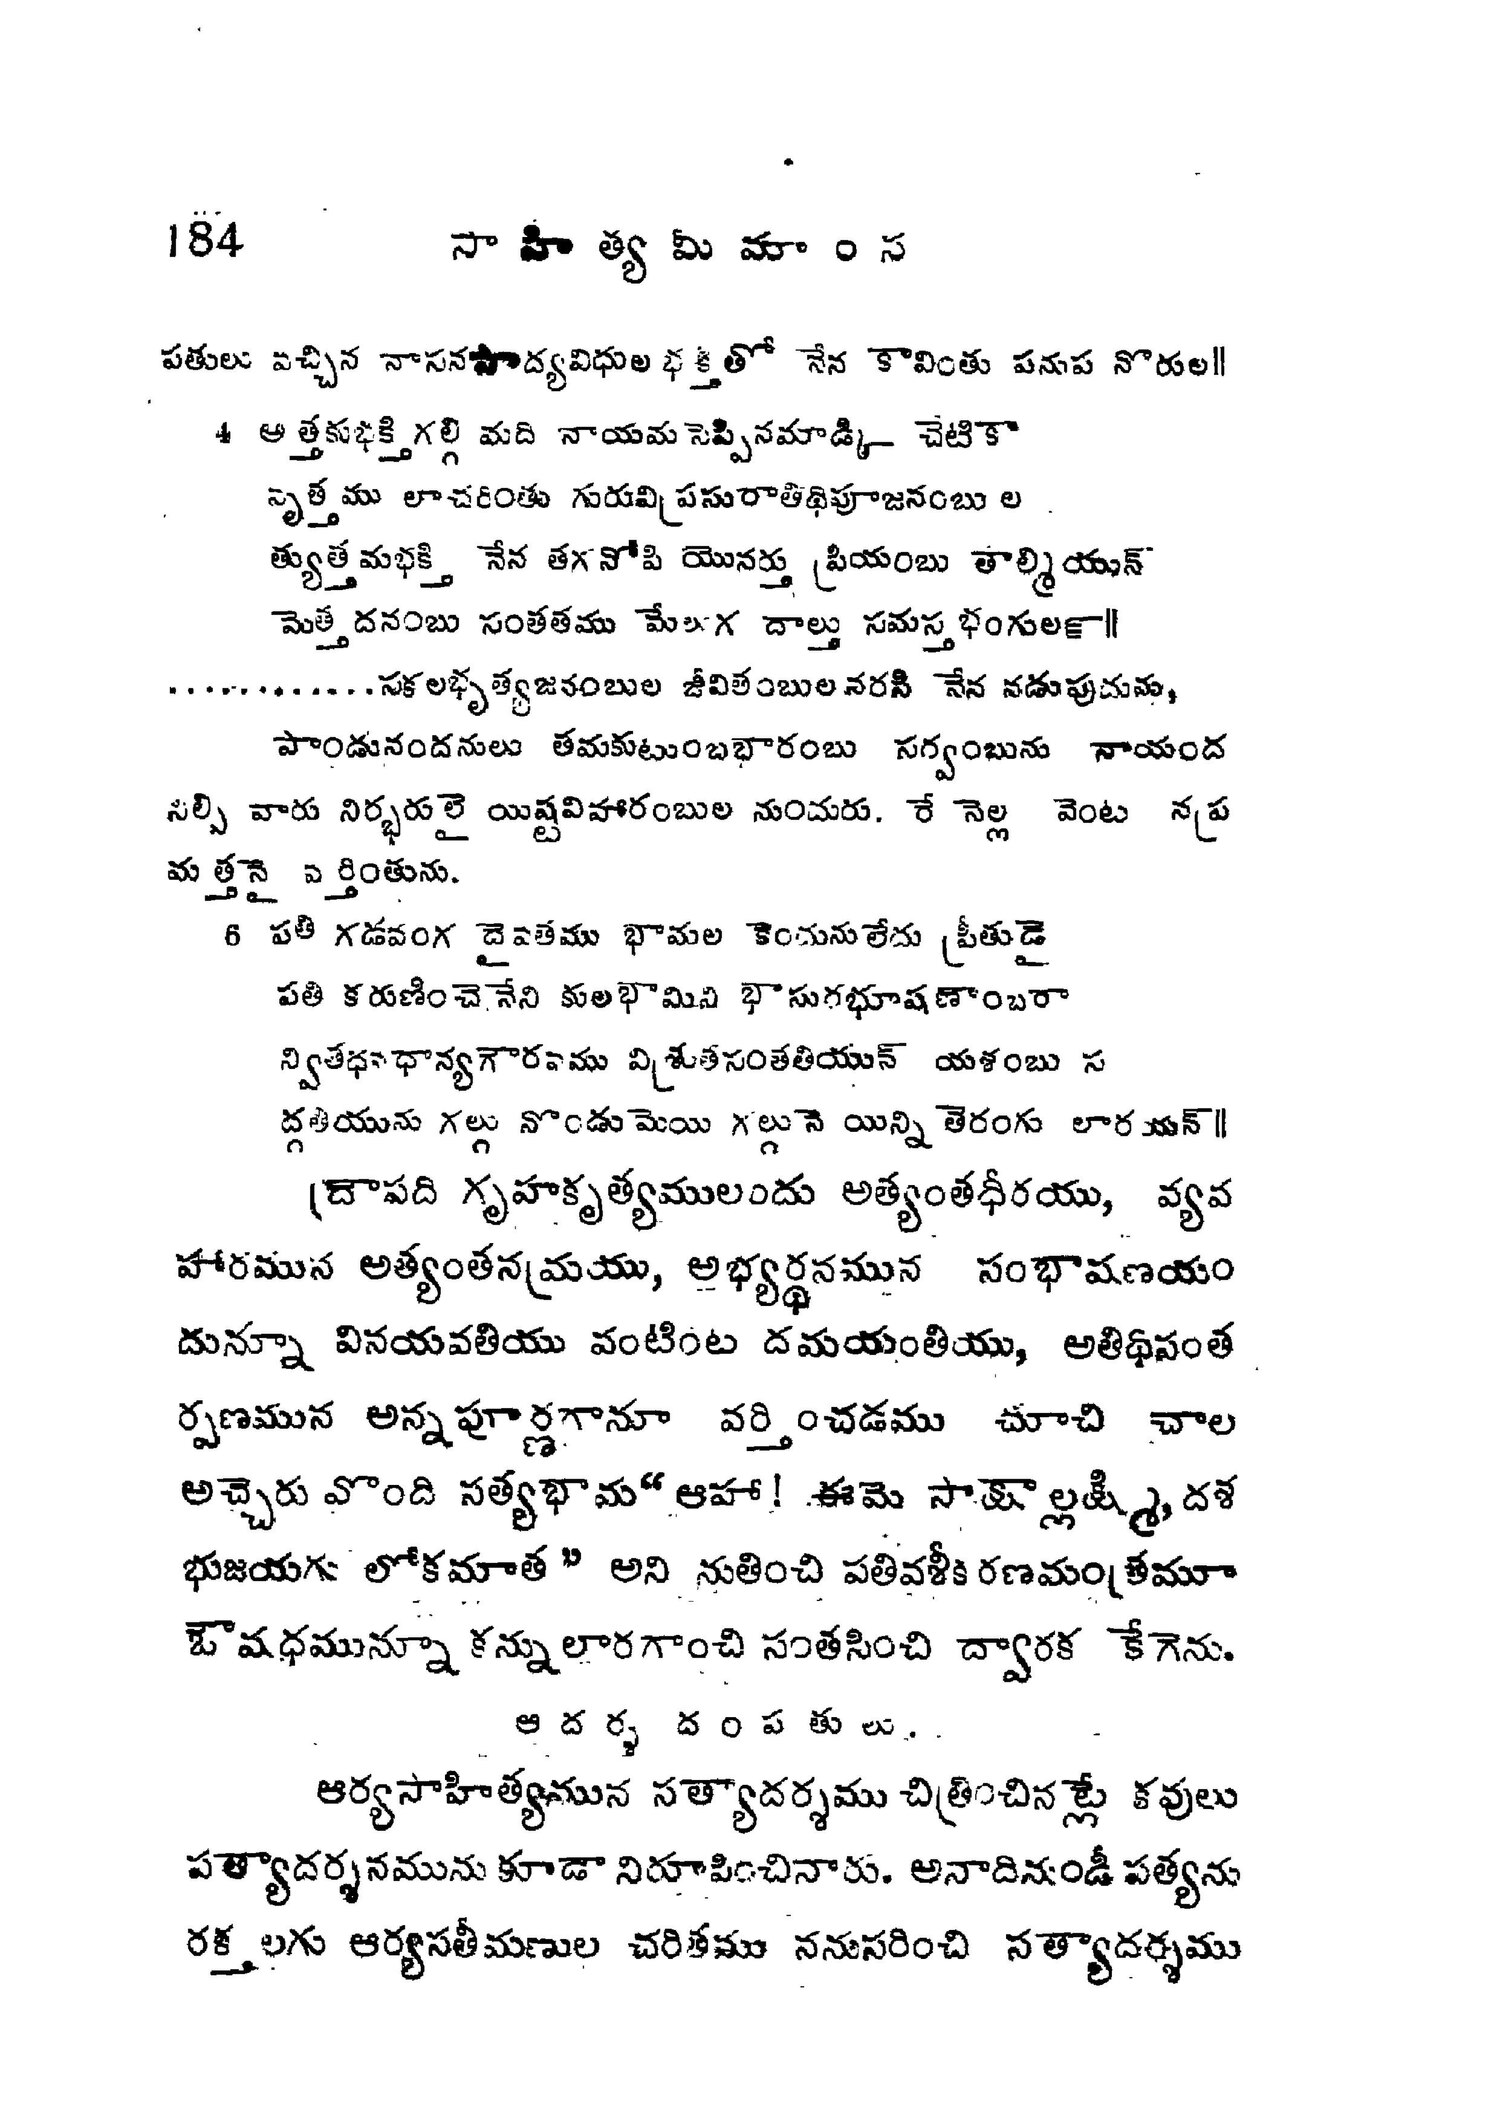పతులు వచ్చిన నాసనపాద్యవిధుల భక్తితో నేన కావింతు పనుప నొరుల||

 4. అత్తకుభక్తిగల్గి మది నాయమ సెప్పినమాడ్కి చేటికా
 వృత్తము లాచరింతు గురువిప్రసురాతిథిపూజనంబు ల
 త్యుత్తమభక్తి నేన తగనోపి యొనర్తు ప్రియంబు తాల్మియున్
 మెత్త దనంబు సంతతము మేలుగ దాల్తు సమస్త భంగులన్||
 .............సకలభృత్యజనంబుల జీవితంబుల నరసి వేన నడుపుదును,
 
 పాండునందనులు తమకుటుంబభారంబు సర్వంబును నాయంద నిల్పి వారు నిర్భరులై యిష్టవిహారంబుల నుందురు. రే నెల్ల వెంట నప్రమత్తనై వర్తింతును.
 
 6. పతి గడవంగ దైవతము భామల కెందునులేదు ప్రీతుడై
 పతి కరుణించెనేని కులభామిని భాసురభూషణాంబరా
 న్వితధనధాన్యగౌరవము విశ్రుతసంతతియున్ యశంబు స
 ద్గతియును గల్గు నొండుమెయి గల్గునె యిన్ని తెరంగు లారయన్||

ద్రౌపది గృహకృత్యములందు అత్యంతధీరయు, వ్యవహారమున అత్యంతనమ్రయు, అభ్యర్థనమున సంభాషణయందున్నూ వినయవతియు వంటింట దమయంతియు, అతిథిసంతర్పణమున అన్నపూర్ణగానూ వర్తించడము చూచి చాల అచ్చెరు వొంది సత్యభామ "ఆహా! ఈమె సాక్షాల్లక్ష్మి, దశభుజయగు లోకమాత" అని నుతించి పతివశీకరణమంత్రమూ ఔషధమున్నూ కన్నులారగాంచి సంతసించి ద్వారక కేగెను.

ఆర్యసాహిత్యమున సత్యాదర్శము చిత్రించినట్లే కవులు పత్యాదర్శనమును కూడా నిరూపించినారు. అనాదినుండీ పత్యనురక్తలగు ఆర్యసతీమణుల చరితము ననుసరించి సత్యాదర్శము